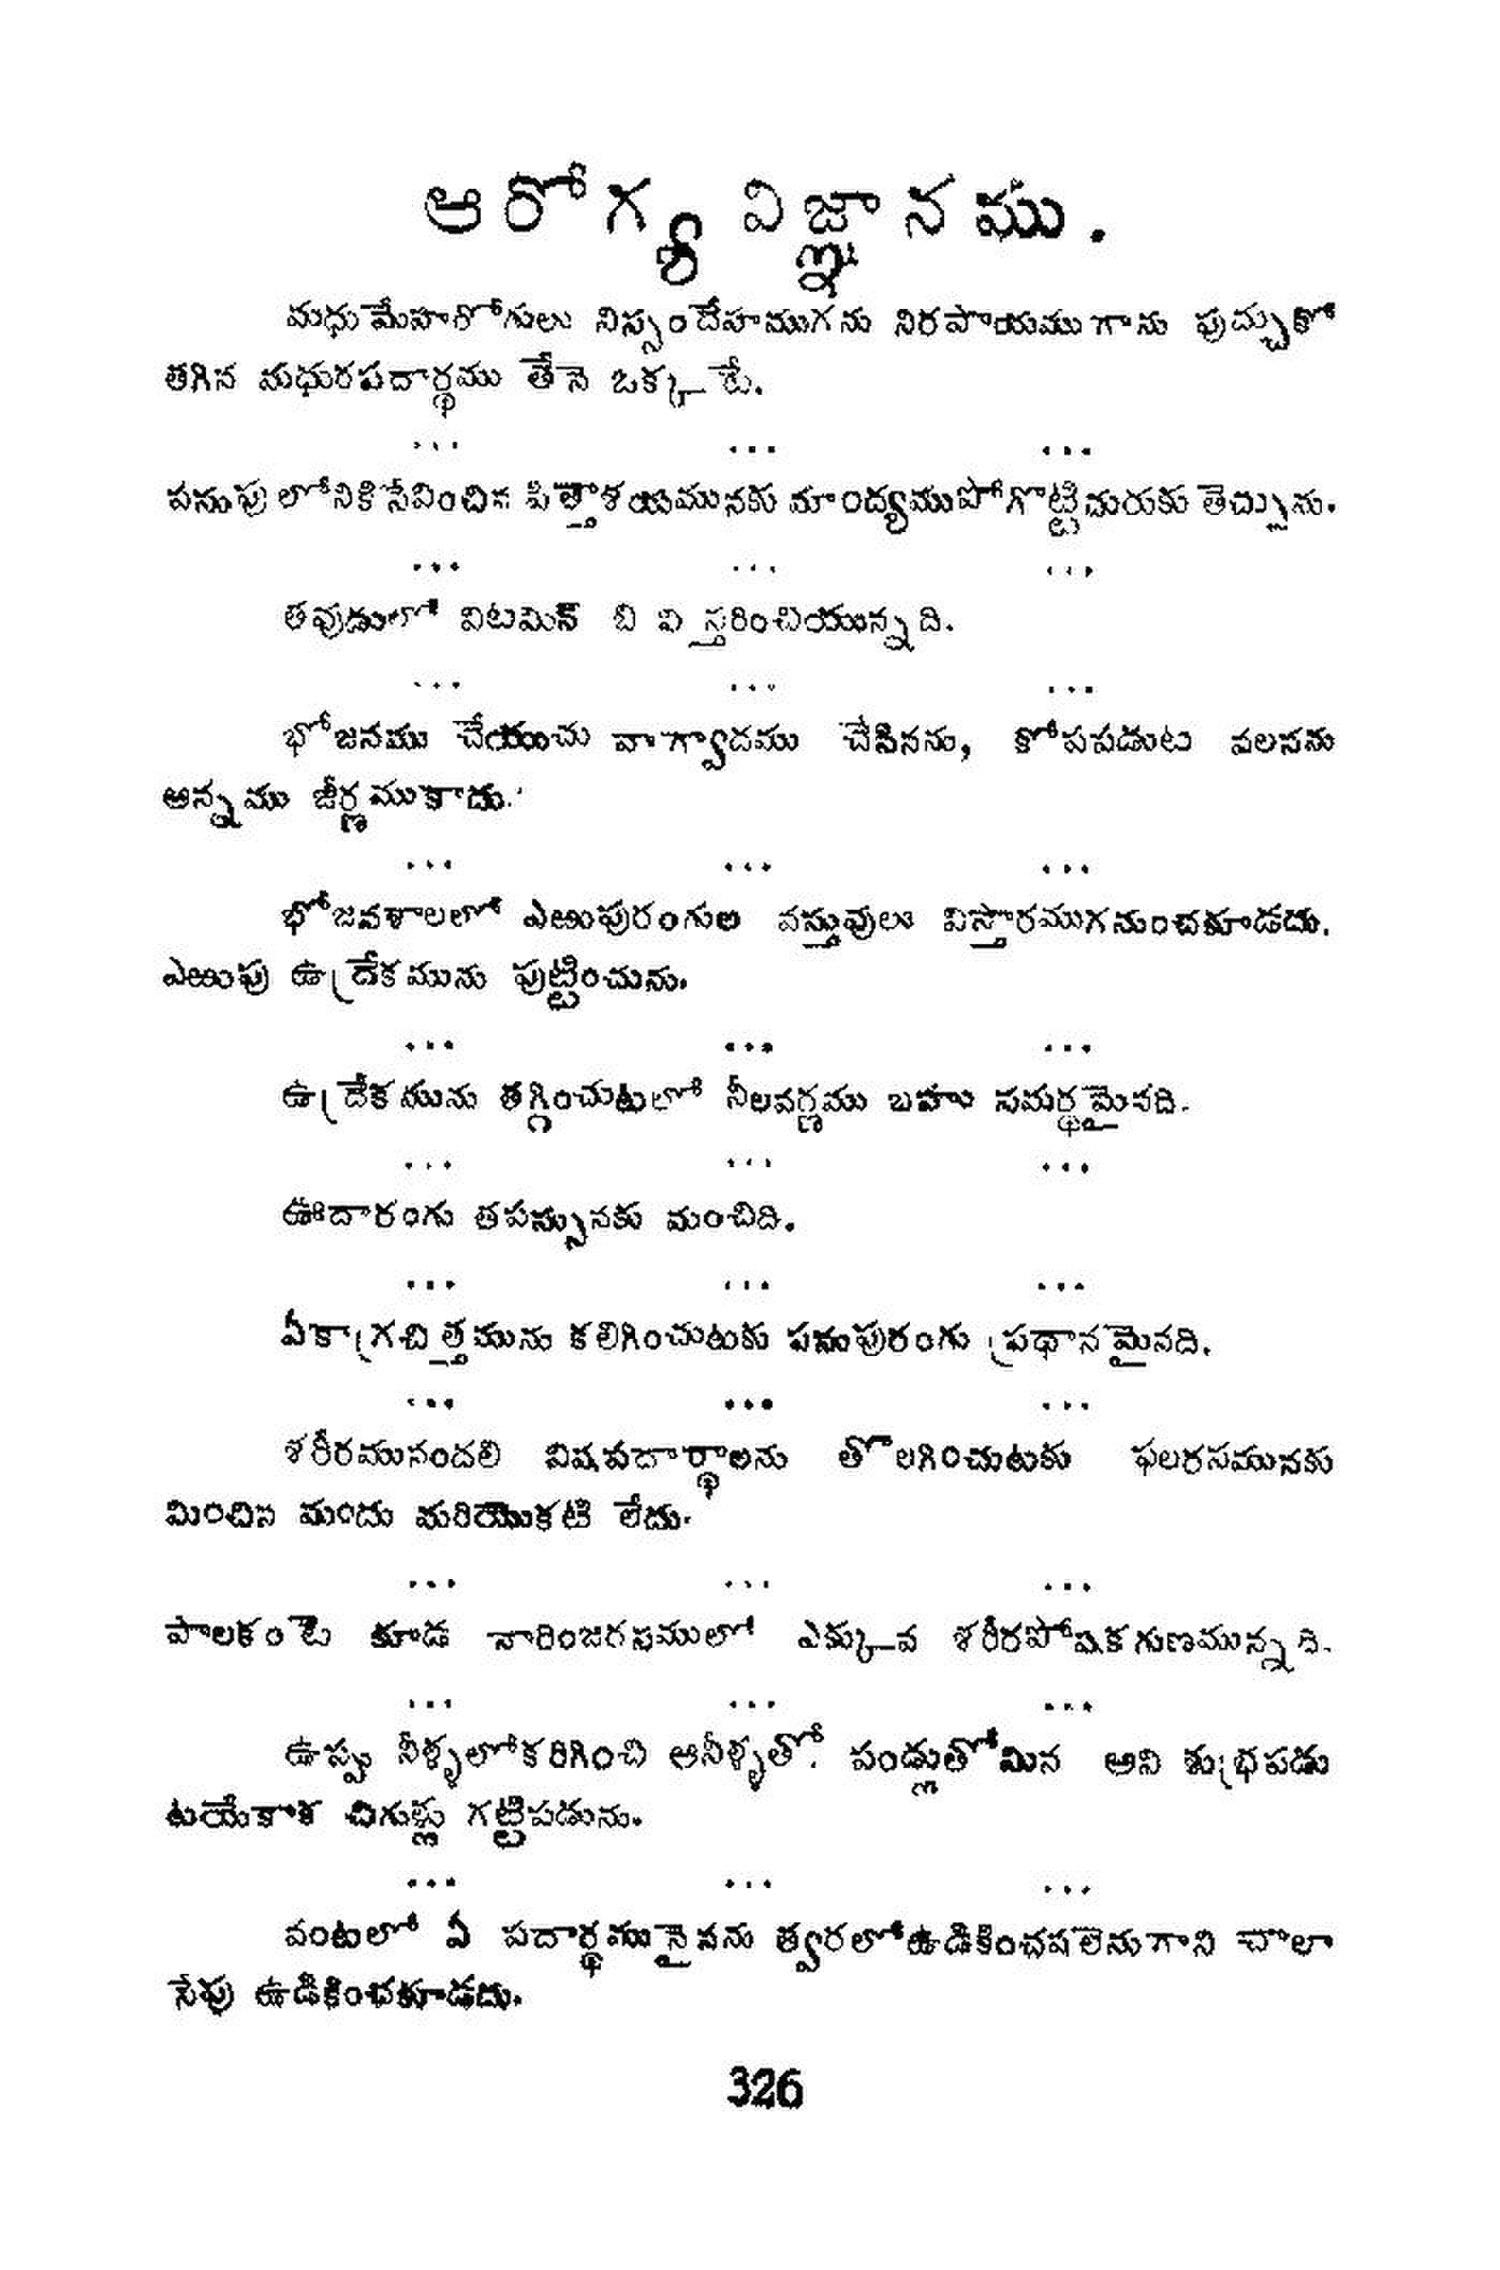ఆ రో గ్య వి జ్ఞా న ము.
 మధుమెహరోగులు నిస్సందేహముగను నిరపాయముగాను పుచ్చుకో తగిన మధూపదార్ధం తేన ఒక్కటే.
 .... ..... ....
పసుపులోనికిసేవించిన పిత్తాశయమునకు మాంద్యముపోగొట్టిచురుకు తెచ్చును.
 
.... .... ....
 తవుడులో వితమిన్ బి విస్తరించియున్నది.
 .... ..... ....
 భోజనము చేయుచు వాగ్వాద్ము చేసినను, కోపపడుట వలసను అన్నము జీర్ణముకాదు.
 .... ..... .... ....
 భోజనశాలలో ఎఱుపురంగుల వస్తువులు విస్తారముగనుంచకూడదు. ఎఱుపు ఉద్రేకమును పుట్టించును.
 .... ..... ....
 ఉద్రేకమును తగ్గించుటలో నీలవర్ణజ్ము బహు సమర్ధమైనది.
 .... .... .... ...
 ఊదారంగు తపస్సునకు మంచిది.
 .... .... .....
 ఏకాగ్రచిత్తమును కలిగించ్టకు పసుపురంగ్ ప్రధానమైనది.
 ..... ..... .... ....
 శరీరమునందలి విషపదార్దాలను తొలగించుటకు ఫలరరమునకు మించినజ్ మందు మరియొకటి లేదు.
 .... .... .....
 పాలకంటె కూడ నారింజరసములో ఎక్కువ శరీరపోషకగుణమున్నది.
 .... .... ..... ..
 ఉప్పునీళ్ళలోకరిగించిఆనీళ్లతో పండ్లుతోమిన అవి శుభ్రబడుటయేకాక చిగుళ్లు గట్టిపడును.
 .... ..... ....
 వంటలో ఏ పదార్దమునైనను త్వరలోఉడికించవలెనుగాని చాలాసేపు ఉడికించకూడదు.